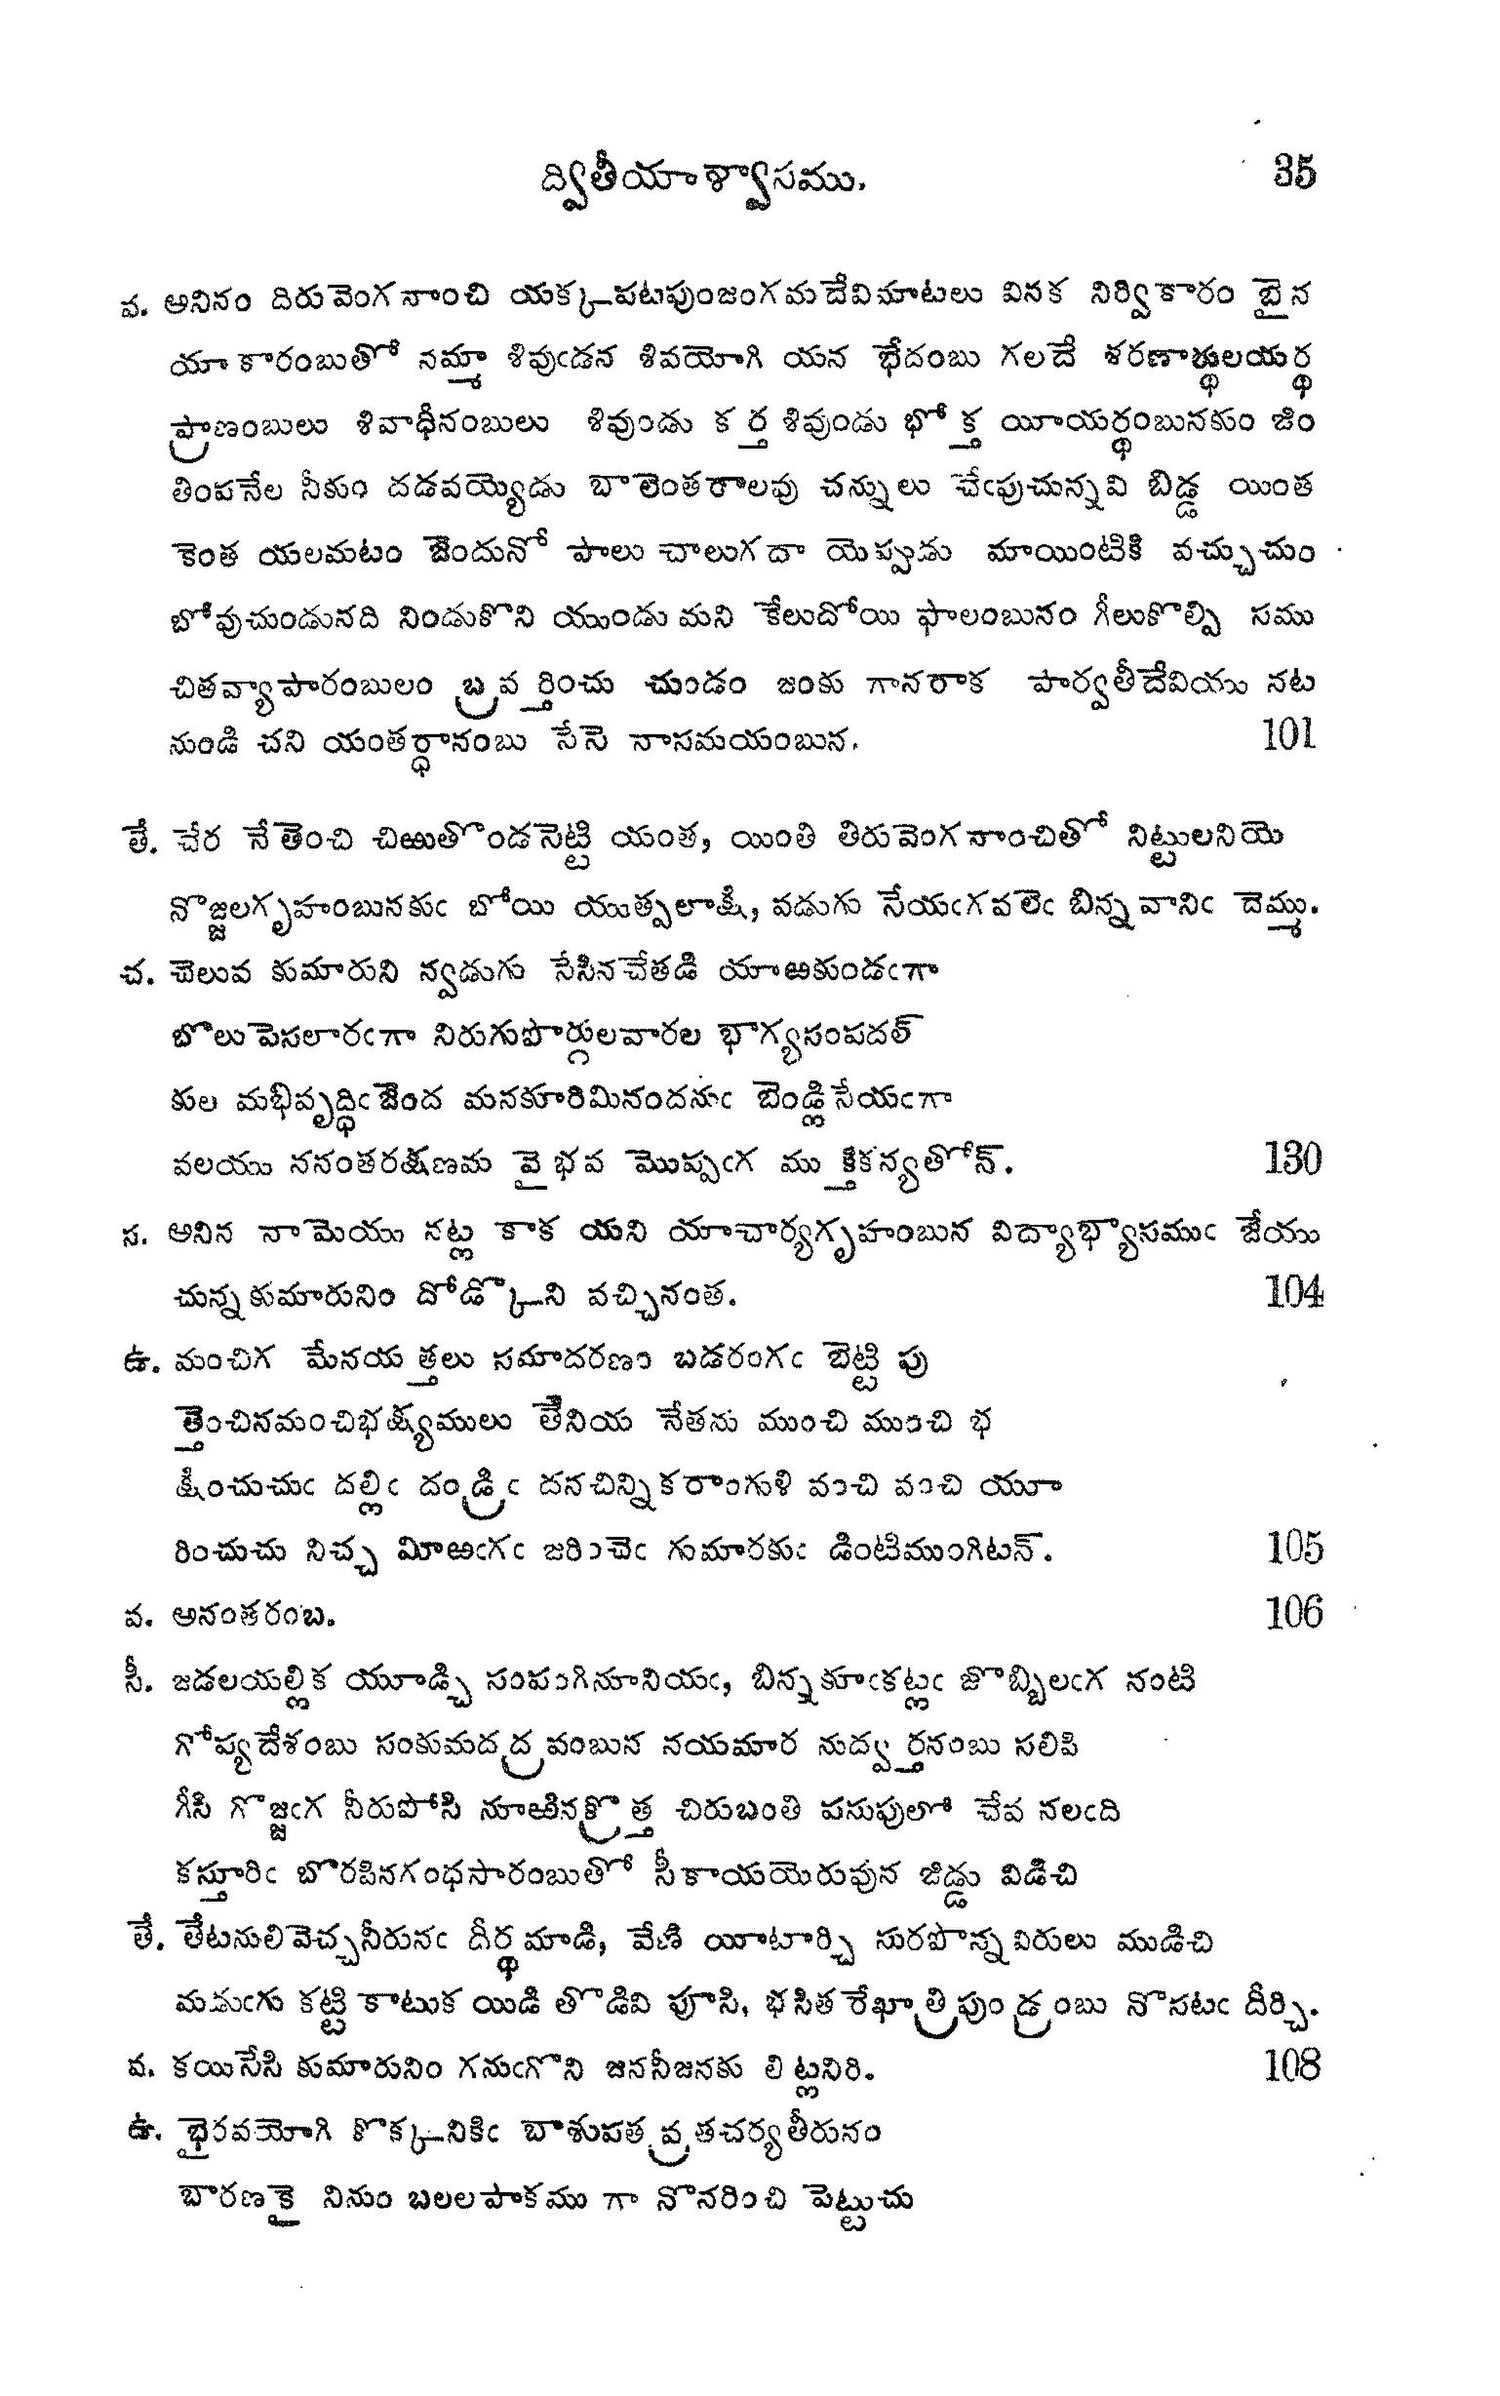వ. అనినం దిరువెంగనాంచి యక్కపటపుంజంగమదేవి మాటలు వినక నిర్వికారం బైన యాకారంబుతో నమ్మా శివుఁడన శివయోగి యన భేదంబు గలదే శరణార్థులయర్థ ప్రాణంబులు శివాధీనంబులు శివుండు కర్త శివుండు భోక్త యీయర్థంబునకుం జింతింప నేల నీకుం దడవయ్యెడు బాలెంతరాలవు చన్నులు చేఁపుచున్నవి బిడ్డ యింత కెంత యలమటం జెందునో పాలు చాలుగదా యెప్పుడు మాయింటికి వచ్చుచుం బోవుచుండునది నిండుకొని యుండు మని కేలుదోయి ఫాలంబునం గీలుకొల్పి సముచితవ్యాపారంబులం బ్రవర్తించుచుండం జంకు గానరాక పార్వతీదేవియు నట నుండి చని యంతర్ధానంబు సేసె నాసమయంబున. 101

తే. చేర నేతెంచి చిఱుతొండసెట్టి యంత, యింతి తిరువెంగనాంచితో నిట్టులనియె
నొజ్జలగృహంబునకుఁ బోయి యుత్పలాక్షి, వడుగు సేయఁగవలెఁ బిన్నవానిఁ దెమ్ము. 102

చ. చెలువ కుమారుని న్వడుగు సేసిన చేతడి యాఱకుండఁగా
బొలు పెసలారఁగా నిరుగుపొర్గులవారల భాగ్యసంపదల్
కుల మభివృద్ధిఁ జెంద మనకూరిమినందనుఁ బెండ్లిసేయఁగా
వలయు ననంతరక్షణమ వైభవ మొప్పఁగ ముక్తికన్యతోన్. 103

వ. అనిన నామెయు నట్ల కాక యని యాచార్యగృహంబున విద్యాభ్యాసముఁ జేయుచున్న కుమారునిం దోడ్కొని వచ్చినంత. 104

ఉ. మంచిగ మేనయత్తలు సమాదరణం బడరంగఁ బెట్టి పు
త్తెంచినమంచిభక్ష్యములు తేనియ నేతను ముంచి ముంచి భ
క్షించుచుఁ దల్లిఁ దండ్రి దన చిన్నికరాంగుళి వంచి వంచి యూ
రించుచు నిచ్చ మీఱఁగఁ జరించెఁ గుమారకుఁ డింటిముంగిటన్. 105

వ. అనంతరంబ. 106

సీ. జడలయల్లిక యూడ్చి సంపంగినూనియఁ, బిన్న కూఁకట్లఁ జొబ్బిలఁగ నంటి
గోప్య దేశంబు సంకుమదద్రవంబున నయమార నుద్వర్తనంబు సలిపి
గీసి గొజ్జఁగ నీరుపోసి నూఱిన క్రొత్త చిరుబంతి పసుపులో చేవ నలఁది
కస్తూరిఁ బొరపినగంధసారంబుతో సీకాయయెరువున జిడ్డు విడిచి
తే. తేటనులి వెచ్చనీరునఁ దీర్థ మాడి, వేణి యీటార్చి సురపొన్న విరులు ముడిచి
మడుఁగు కట్టి కాటుక యిడి తొడివి పూసి, భసితరేఖాత్రిపుండ్రంబు నొసటఁ దీర్చి. 107

వ. కయిసేసి కుమారునిం గనుఁగొని జననీజనకు లిట్లనిరి. 108

ఉ. భైరవయోగి కొక్కనికిఁ బాశుపతవ్రతచర్యతీరునం
బారణకై నినుం బలలపాకము గా నొనరించి పెట్టుచు